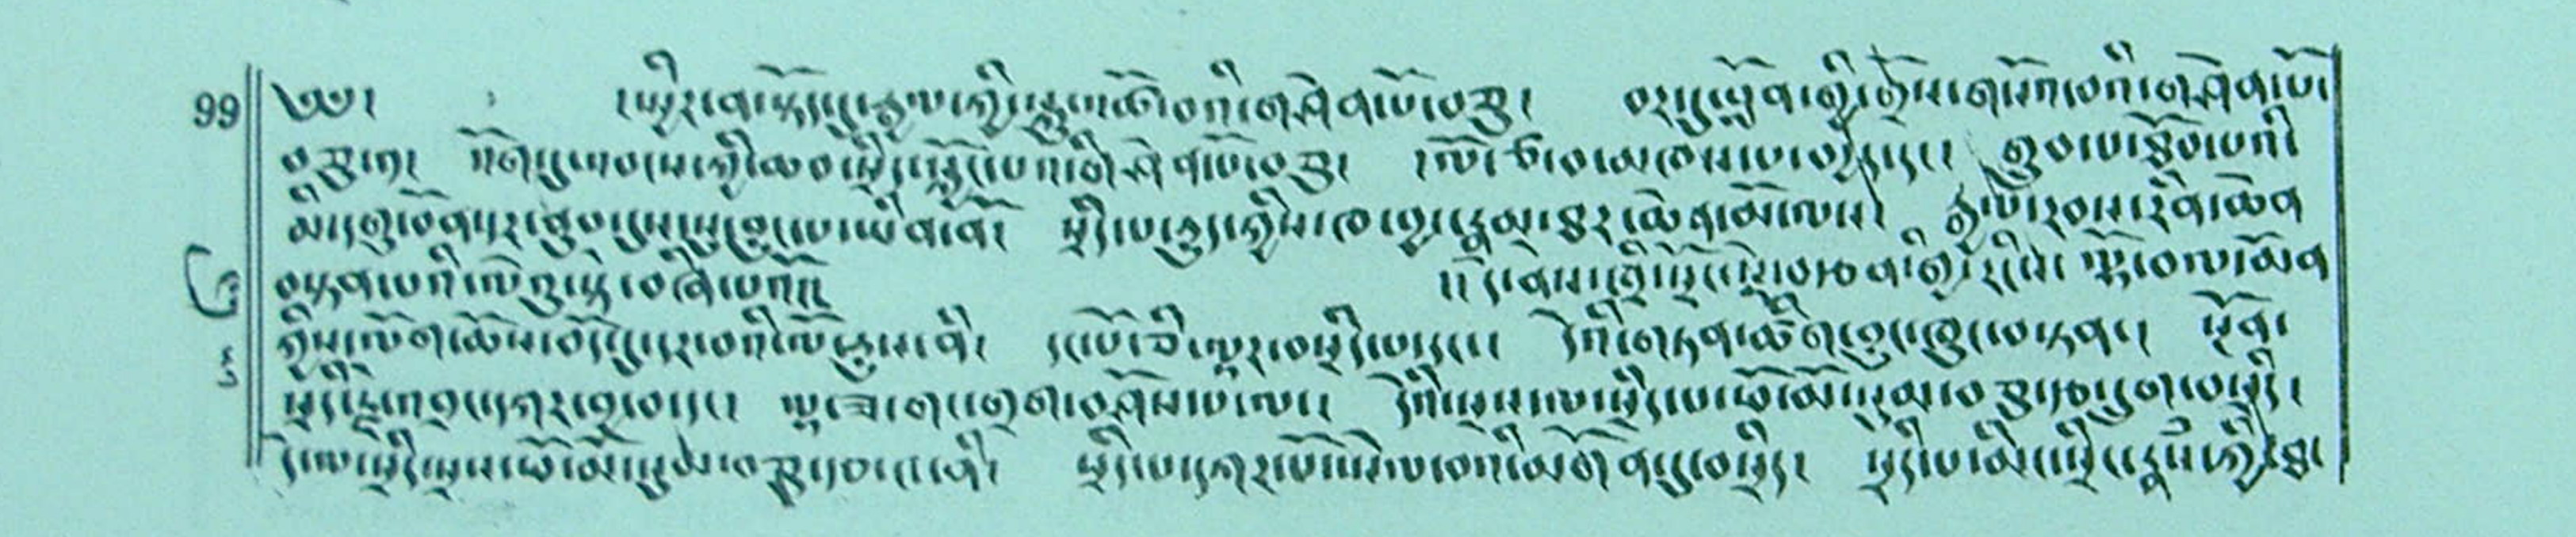༄༅། །སྤྱིར་ན་སྟོད་དུ་རྒྱལ་གྱི་སྐུ་འཚོ་བའི་གཤེན་པོ་བཅུ། བར་དུ་བློན་གྱི་གྲོས་གསོའ་བའི་གཤེན་པོ་
བཅུ་གཅིག འོག་ཏུ་འབངས་ཀྱི་ཆབ་སྲིད་སྐྱོང་བའི་གཤེན་པོ་བཅུ། ལོ་ཙཱ་བ་མཁས་པ་བརྒྱད་དང་། གྲུབ་པ་ཐོབ་པའི་
མི་དགུ་བོན་དར་ནུབ་དུས་སུ་བྱུང་བ་ཡིན་ནོ། །སྲིད་པ་རྒྱུད་ཀྱི་ཁ་བྱང་རྣམ་ཐར་ཆེན་མོ་ལས། རྒྱལ་རབས་རིན་ཆེན་
བསྟན་པའི་ལེའུ་སྟེ་བཞི་པའོ།། །། དེ་ནས་ཁྲི་སྲོང་སྡེ་བཙན་གྱི་རིང་། ལྷོ་བལ་མོན་
གྱིས་ལོག་ཆོས་བོད་དུ་དར་བའི་ལོ་རྒྱུས་ནི། དང་པོ་ཇི་ལྟར་བསྲིད་པ་དང་། དེའི་གཏན་ཚིགས་ཀྱི་བྱུང་ཁུངས་བསྟན། སྔོན་
སྲིད་རྗེ་འབྲང་དཀར་བྱ་བ་དང་། ལྷ་ཟ་གོང་གྲགས་བཤོས་པ་ལ། དེའི་སྲས་ལ་སྲིད་པ་ཕོ་མོ་སུམ་བཅུ་རྩ་དྲུག་བསྲིད། 
དེ་ལ་སྲིད་སྲས་ཕོ་མོ་སུམ་བཅུ་རྩ་བཞི་ནི། སྲིད་པ་དཀར་པོ་སྤེལ་བའི་མགོན་དུ་སྲིད། སྲིད་པ་མིང་སྲིང་རྣམས་ཀྱི་ཐ་